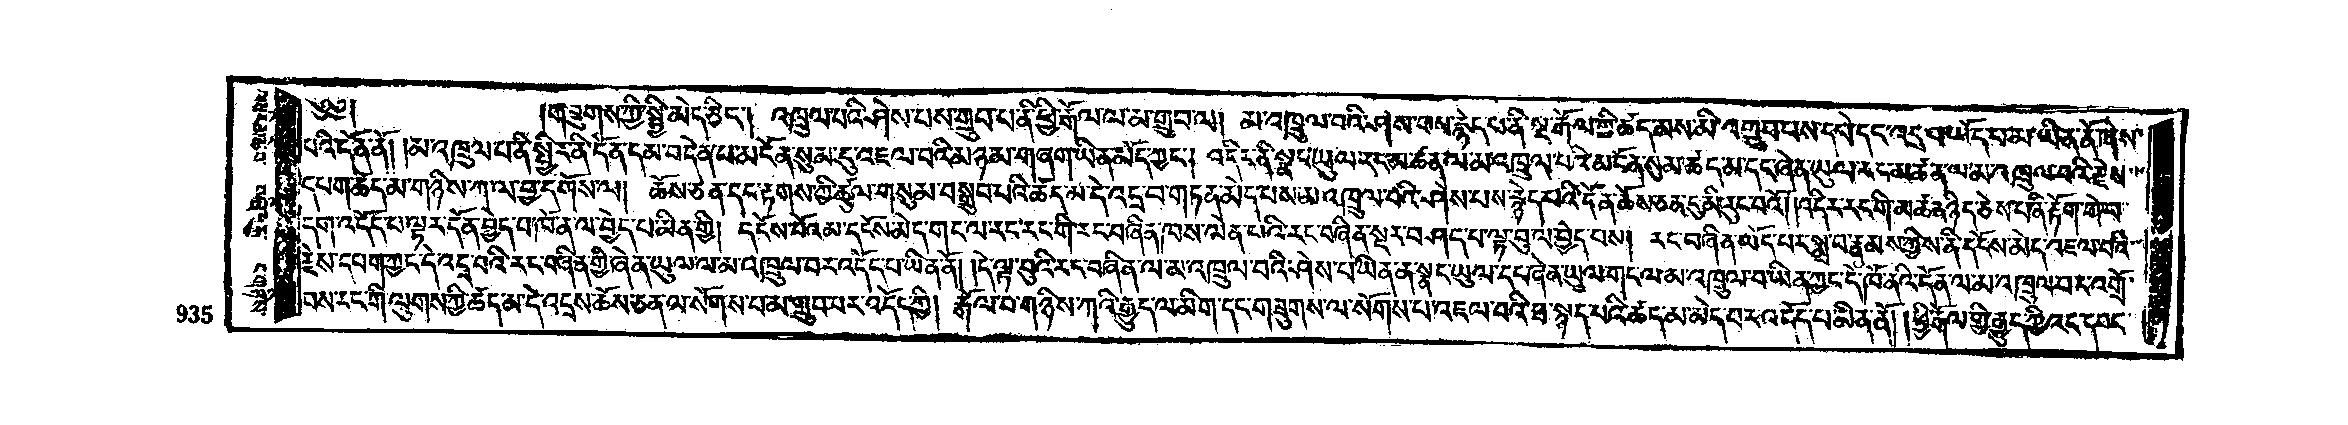༄༅། །གཟུགས་ཀྱི་སྤྱི་མེད་ཅིང་། འཁྲུལ་བའི་ཤེས་པས་གྲུབ་པ་ནི་ཕྱི་རྒོལ་ལ་མ་གྲུབ་ལ། མ་འཁྲུལ་བའི་ཤེས་པས་རྙེད་པ་ནི་སྔ་རྒོལ་གྱི་ཚད་མས་མི་འགྲུབ་པས་དཔེ་དང་འདྲ་བ་ཡོད་པ་མ་ཡིན་ནོ་ཞེས་
པའི་དོན་ནོ། །མ་འཁྲུལ་བ་ནི་སྤྱིར་ནི་དོན་དམ་བདེན་པ་མངོན་སུམ་དུ་འཇལ་བའི་མཉམ་གཞག་ཡིན་མོད་ཀྱང་། འདིར་ནི་སྣང་ཡུལ་རང་མཚན་ལ་མ་འཁྲུལ་བའི་མངོན་སུམ་ཚད་མ་དང་ཞེན་ཡུལ་རང་མཚན་ལ་མ་འཁྲུལ་བའི་རྗེས་
དཔག་ཚད་མ་གཉིས་ཀ་ལ་བྱ་དགོས་ལ། ཆོས་ཅན་དང་རྟགས་ཀྱི་ཚུལ་གསུམ་བསྒྲུབ་པའི་ཚད་མ་དེ་འདྲ་བ་གཏན་མེད་པས་མ་འཁྲུལ་བའི་ཤེས་པས་རྙེད་པའི་དོན་ཆོས་ཅན་དུ་མི་རུང་བའོ། །འདིར་རང་གི་མཚན་ཉིད་ཅེས་པ་ནི་རྟོག་གེ་པ་
དག་འདོད་པ་ལྟར་དོན་བྱེད་པ་ཁོ་ན་ལ་བྱེད་པ་མིན་གྱི། དངོས་པོའམ་དངོས་མེད་གང་ལ་རང་རང་གི་རང་བཞིན་ཁས་ལེན་པའི་རང་བཞིན་སྔར་བཤད་པ་ལྟ་བུ་ལ་བྱེད་པས། རང་བཞིན་ཡོད་པར་སྨྲ་བ་རྣམས་ཀྱིས་ནི་དངོས་མེད་འཇལ་བའི་
རྗེས་དཔག་ཀྱང་དེ་འདྲ་བའི་རང་བཞིན་གྱི་ཞེན་ཡུལ་ལ་མ་འཁྲུལ་བར་འདོད་པ་ཡིན་ནོ། །དེ་ལྟ་བུའི་རང་བཞིན་ལ་མ་འཁྲུལ་བའི་ཤེས་པ་ཡིན་ན་སྣང་ཡུལ་དང་ཞེན་ཡུལ་གང་ལ་མ་འཁྲུལ་བ་ཡིན་ཀྱང་དེ་ཁོ་ནའི་དོན་ལ་མ་འཁྲུལ་བར་འགྲོ་
བས་རང་གི་ལུགས་ཀྱི་ཚད་མ་དེ་འདྲས་ཆོས་ཅན་ལ་སོགས་པ་མ་གྲུབ་པར་འདོད་ཀྱི། རྒོལ་བ་གཉིས་ཀའི་རྒྱུད་ལ་མིག་དང་གཟུགས་ལ་སོགས་པ་འཇལ་བའི་ཐ་སྙད་པའི་ཚད་མ་མེད་པར་འདོད་པ་མིན་ནོ། །ཕྱི་རྒོལ་གྱི་རྒྱུད་ཀྱིའང་དབང་